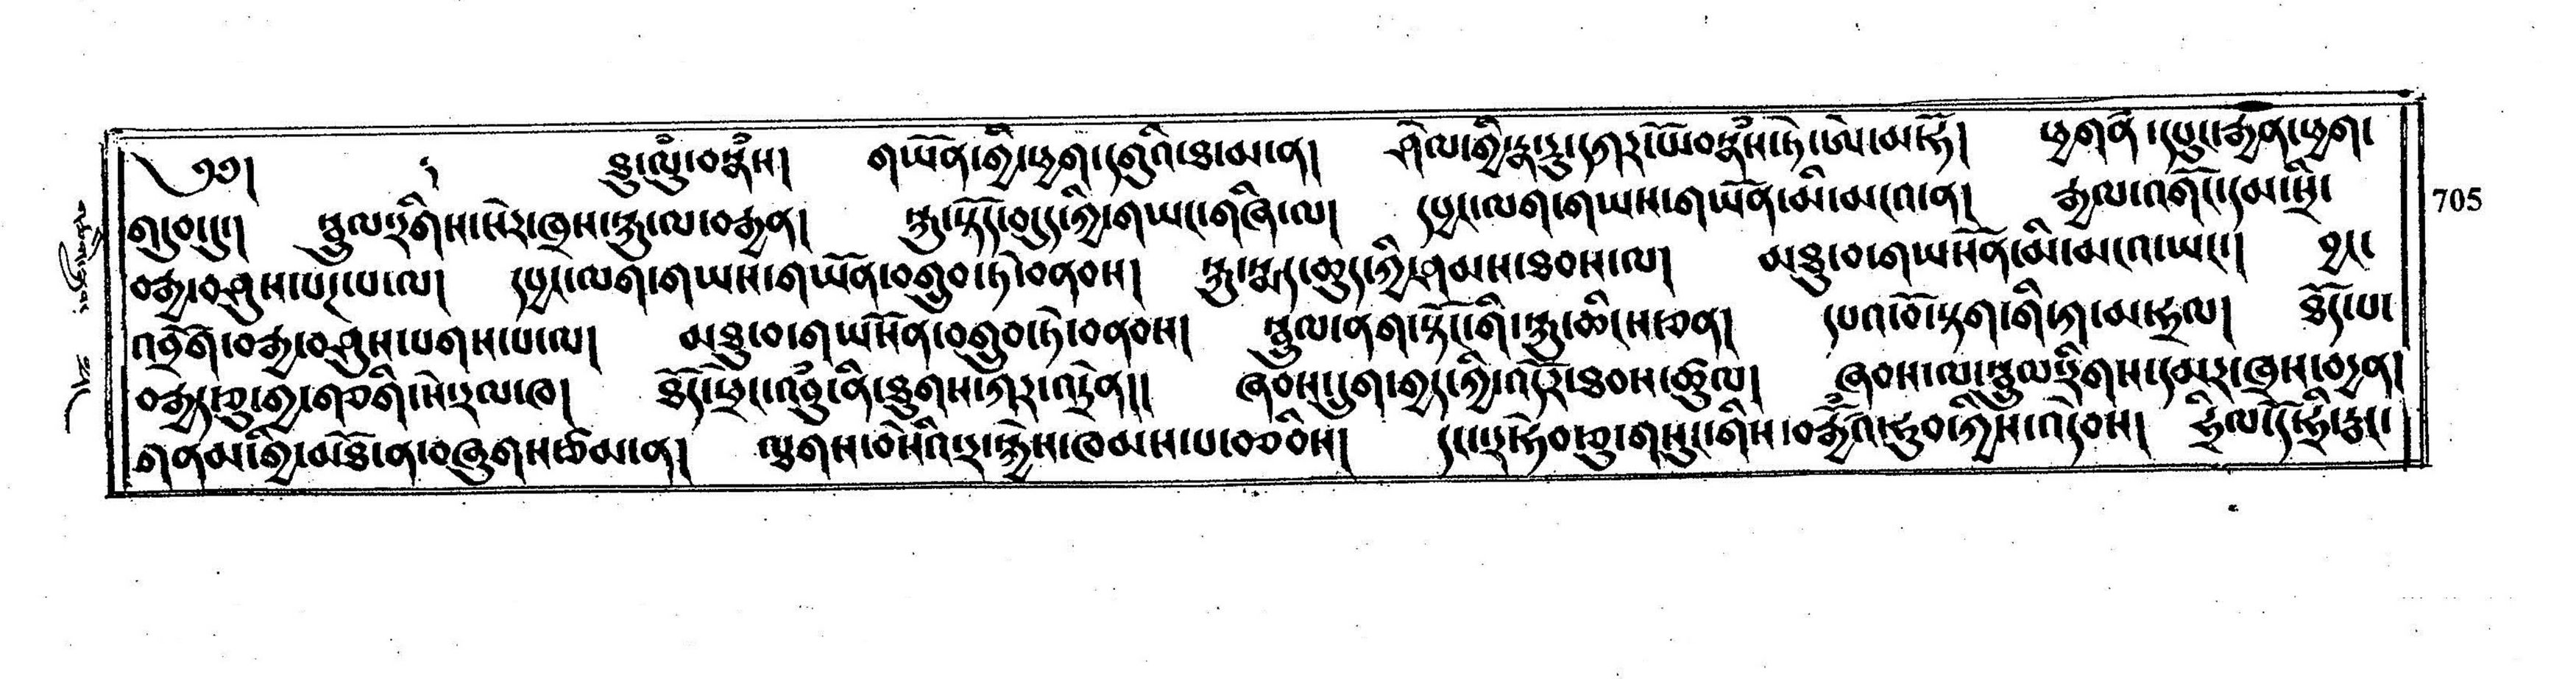ཐུ་ལུམ་བསྣམས། གཡོན་གྱི་ཕྱག་དགུའི་ཐ་མ་ན། ཤེལ་གྱི་རྣ་རུ་དཀར་པོ་བསྣམས་ཏེ་ཨེ་མ་ཧོ། ཕྱག་མཚན་དཔུང་རྒྱན་ཕྱག་
གདུབ་དུ། སྦྲུལ་རིགས་སེར་ཁྲས་སྐུ་ལ་བརྒྱན། སྐུ་སྟོད་བདུད་ཀྱི་གཡང་གཞི་ལ། དཔྱང་ལག་གཡས་གཡོན་མི་མངའ་ན། རྒྱལ་འགོང་དམ་སྲི་
བརྒྱ་བཤུས་པགས་པ་ལ། དཔྱང་ལག་གཡས་གཡོན་བགྲུབ་ཏེ་བནབས། སྐུ་སྨད་ཆུད་ཀྱི་ཤམས་ཐབས་ལ། མཐུ་བ་གཡས་གཡོན་མི་མངའ་ཡང་། བྱང་
འབྲོག་བརྒྱ་བཤུས་པགས་པ་ལ། མཐུ་བ་གཡས་གཡོན་བགྲུབ་ཏེ་བནབས། སྦྲུལ་ནག་སྟོང་གི་སྐུ་ཆིངས་ཅན། དཔའ་བོ་སྟག་གི་ཀ་མ་ཧྲལ། ཐོད་པ་
བརྒྱད་ཅུ་གྱ་གཅིག་སེ་རལ་ཁ། ཐོད་ཕྲེང་འབུམ་ནི་ཐུགས་ཀར་འདྲེན།། ཞབས་དྲུག་གྱད་ཀྱི་འདོར་ཐབས་ཚུལ། ཞབས་ལ་སྦྲུལ་རིགས་དམར་ཁྲས་བརྒྱན། 
གནམ་གྱི་མཐོ་ན་བཞུགས་ཙམ་ན། ལྕགས་བསེའི་ར་སྐྱེས་ཁམས་པ་བཅིབས། དང་ར་ཧེབ་ཅུ་གསུང་གིས་རྒྱ་མཚོའི་ཧུབ་ཀྱིས་འདེབས། ཧྲིལ་དོ་ཧྲི་རྦང་